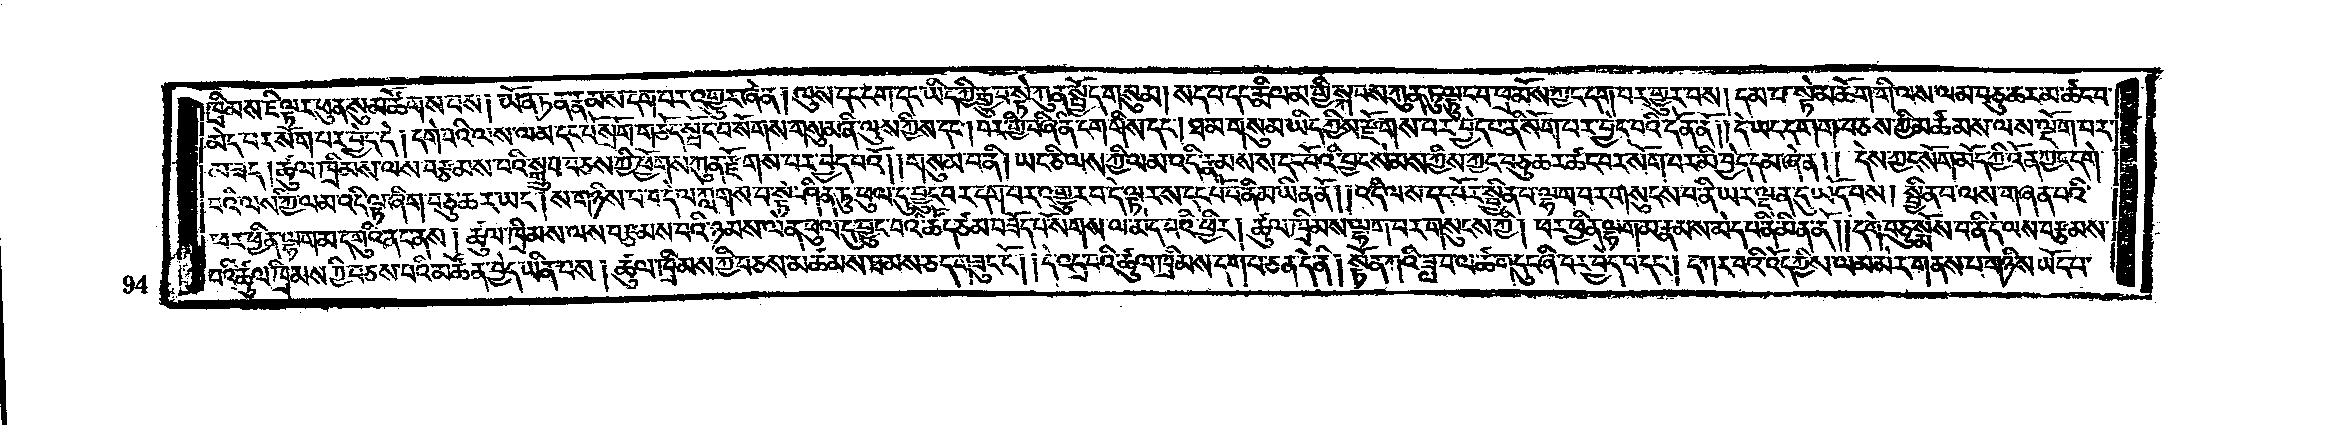ཁྲིམས་ཇི་ལྟར་ཕུན་སུམ་ཚོགས་པས། ཡོན་ཏན་རྣམས་དག་པར་འགྱུར་ཞེ་ན། ལུས་དང་ངག་དང་ཡིད་ཀྱི་རྒྱུ་བ་སྟེ་ཀུན་སྤྱོད་གསུམ། སད་པ་དང་རྨི་ལམ་གྱི་སྐབས་ཀུན་ཏུ་ལྟུང་བ་ཕྲ་མོས་ཀྱང་དག་པར་གྱུར་བས། དམ་པ་སྟེ་མཆོག་གི་ལས་ལམ་བཅུ་ཆར་མ་ཚང་བ་
མེད་པར་སོག་པར་བྱེད་དེ། དགེ་བའི་ལས་ལམ་དང་པོ་སྲོག་གཅོད་སྤོང་བ་སོགས་གསུམ་ནི་ལུས་ཀྱིས་དང་། བར་གྱི་བཞི་ནི་ངག་གིས་དང་། ཐ་མ་གསུམ་ཡིད་ཀྱིས་རྫོགས་པར་བྱེད་པ་ནི་སོག་པར་བྱེད་པའི་དོན་ནོ། །དེ་ཡང་དགག་བཅས་ཀྱི་མཚམས་ལས་ལྡོག་པར་
མ་ཟད། ཚུལ་ཁྲིམས་ལས་བརྩམས་པའི་སྒྲུབ་བཅས་ཀྱི་ཕྱོགས་ཀུན་རྫོགས་པར་བྱེད་པའོ། །གསུམ་པ་ནི། ཡང་ཅི་ལས་ཀྱི་ལམ་འདི་རྣམས་ས་དང་པོའི་བྱང་སེམས་ཀྱིས་ཀྱང་བཅུ་ཆར་ཚང་བར་སོག་པར་མི་བྱེད་དམ་ཞེ་ན། །དེས་ཀྱང་སོག་མོད་ཀྱི་འོན་ཀྱང་དགེ་
བའི་ལས་ཀྱི་ལམ་འདི་ལྟ་ཞིག་བཅུ་ཆར་ཡང་། ས་གཉིས་པ་བ་དེ་ལ་ཀླགས་པ་སྟེ་ཤིན་ཏུ་ཕུལ་དུ་བྱུང་བར་དག་པར་འགྱུར་བ་དེ་ལྟར་ས་དང་པོ་བ་ནི་མ་ཡིན་ནོ། །འདི་ལ་ས་དང་པོར་སྦྱིན་པ་ལྷག་པར་གསུངས་པ་ནི་ཡར་ལྡན་དུ་ཡོད་བས། སྦྱིན་པ་ལས་གཞན་པའི་
ཕར་ཕྱིན་ལྷག་མ་དགུའི་ནང་ནས། ཚུལ་ཁྲིམས་ལས་བརྩམས་པའི་ཉམས་ལེན་ཕུལ་དུ་བྱུང་བའི་ཚོད་ཙམ་བཟོད་པ་སོགས་ལ་མེད་པའི་ཕྱིར། ཚུལ་ཁྲིམས་ལྷག་པར་གསུངས་ཀྱི། ཕར་ཕྱིན་ལྷག་མ་རྣམས་མེད་པ་ནི་མིན་ནོ། །དགེ་བཅུ་སྨོས་པ་ནི་དེ་ལས་བརྩམས་
པའི་ཚུལ་ཁྲིམས་ཀྱི་བཅས་པའི་མཚོན་བྱེད་ཡིན་བས། ཚུལ་ཁྲིམས་ཀྱི་བཅས་མཚམས་ཐམས་ཅད་གཟུང་ངོ། །དེ་འདྲ་བའི་ཚུལ་ཁྲིམས་དག་པ་ཅན་དེ་ནི། སྟོན་ཀའི་ཟླ་བ་ལ་ཚ་གདུང་ཞི་བར་བྱེད་པ་དང་། དཀར་བའི་འོད་ཀྱིས་ལམ་མེར་གནས་པ་གཉིས་ཡོད་པ་